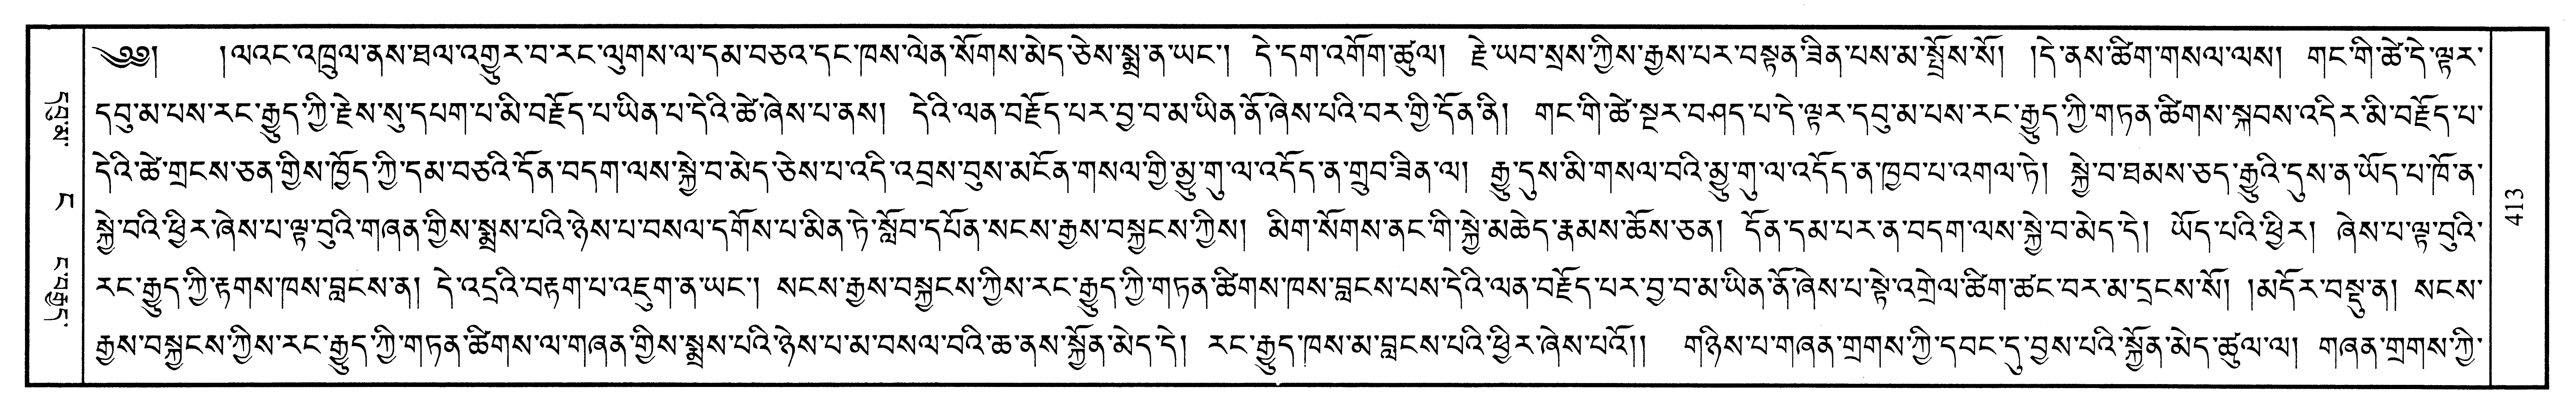༄༅། །ལའང་འཁྲུལ་ནས་ཐལ་འགྱུར་བ་རང་ལུགས་ལ་དམ་བཅའ་དང་ཁས་ལེན་སོགས་མེད་ཅེས་སྨྲ་ན་ཡང་། དེ་དག་འགོག་ཚུལ། རྗེ་ཡབ་སྲས་ཀྱིས་རྒྱས་པར་བསྟན་ཟིན་པས་མ་སྤྲོས་སོ། །དེ་ནས་ཚིག་གསལ་ལས། གང་གི་ཚེ་དེ་ལྟར་
དབུ་མ་པས་རང་རྒྱུད་ཀྱི་རྗེས་སུ་དཔག་པ་མི་བརྗོད་པ་ཡིན་པ་དེའི་ཚེ་ཞེས་པ་ནས། དེའི་ལན་བརྗོད་པར་བྱ་བ་མ་ཡིན་ནོ་ཞེས་པའི་བར་གྱི་དོན་ནི། གང་གི་ཚེ་སྔར་བཤད་པ་དེ་ལྟར་དབུ་མ་པས་རང་རྒྱུད་ཀྱི་གཏན་ཚིགས་སྐབས་འདིར་མི་བརྗོད་པ་
དེའི་ཚེ་གྲངས་ཅན་གྱིས་ཁྱོད་ཀྱི་དམ་བཅའི་དོན་བདག་ལས་སྐྱེ་བ་མེད་ཅེས་པ་འདི་འབྲས་བུས་མངོན་གསལ་གྱི་མྱུ་གུ་ལ་འདོད་ན་གྲུབ་ཟིན་ལ། རྒྱུ་དུས་མི་གསལ་བའི་མྱུ་གུ་ལ་འདོད་ན་ཁྱབ་པ་འགལ་ཏེ། སྐྱེ་བ་ཐམས་ཅད་རྒྱུའི་དུས་ན་ཡོད་པ་ཁོ་ན་
སྐྱེ་བའི་ཕྱིར་ཞེས་པ་ལྟ་བུའི་གཞན་གྱིས་སྨྲས་པའི་ཉེས་པ་བསལ་དགོས་པ་མིན་ཏེ་སློབ་དཔོན་སངས་རྒྱས་བསྐྱངས་ཀྱིས། མིག་སོགས་ནང་གི་སྐྱེ་མཆེད་རྣམས་ཆོས་ཅན། དོན་དམ་པར་ན་བདག་ལས་སྐྱེ་བ་མེད་དེ། ཡོད་པའི་ཕྱིར། ཞེས་པ་ལྟ་བུའི་
རང་རྒྱུད་ཀྱི་རྟགས་ཁས་བླངས་ན། དེ་འདྲའི་བརྟག་པ་འཇུག་ན་ཡང་། སངས་རྒྱས་བསྐྱངས་ཀྱིས་རང་རྒྱུད་ཀྱི་གཏན་ཚིགས་ཁས་བླངས་པས་དེའི་ལན་བརྗོད་པར་བྱ་བ་མ་ཡིན་ནོ་ཞེས་པ་སྟེ་འགྲེལ་ཚིག་ཚང་བར་མ་དྲངས་སོ། །མདོར་བསྡུ་ན། སངས་
རྒྱས་བསྐྱངས་ཀྱིས་རང་རྒྱུད་ཀྱི་གཏན་ཚིགས་ལ་གཞན་གྱིས་སྨྲས་པའི་ཉེས་པ་མ་བསལ་བའི་ཆ་ནས་སྐྱོན་མེད་དེ། རང་རྒྱུད་ཁས་མ་བླངས་པའི་ཕྱིར་ཞེས་པའོ།། གཉིས་པ་གཞན་གྲགས་ཀྱི་དབང་དུ་བྱས་པའི་སྐྱོན་མེད་ཚུལ་ལ། གཞན་གྲགས་ཀྱི་